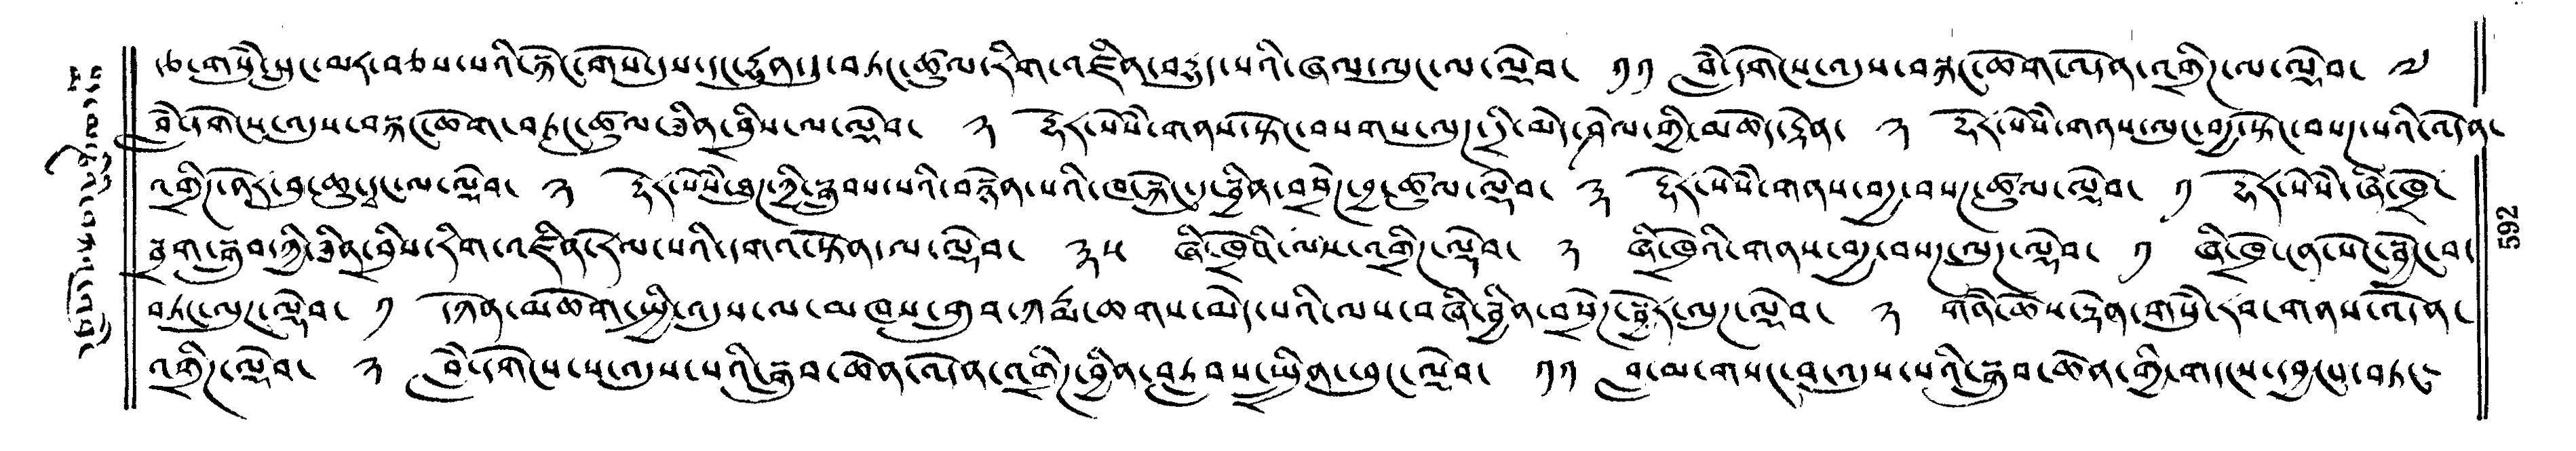རྩ་གསུམ་སྲུང་མར་བཅས་པའི་སྐོང་གསོ་དུས་དང་རྒྱུན་དུ་གཏོང་ཚུལ་རིག་འཛིན་བརྒྱུད་པའི་ཞལ་ལུང་ལ་ལྡེབ། བླ་མ་དགོངས་འདུས་བསྐང་ཆོག་འདོན་འགྲིགས་ལ་ལྡེབ། 
བླ་མ་དགོངས་འདུས་བསྐང་ཆོག་གཏོང་ཚུལ་ཟིན་བྲིས་ལ་ལྡེབ། རྡོར་སེམས་གནས་སྟོང་གསོག་ལུགས་དྲི་མེད་ཤེལ་གྱི་མཆོད་རྟེན། རྡོར་སེམས་གནས་ལུང་བརྒྱ་སྟོང་གསོག་པའི་འདོན་
འགྲིགས་ནོར་བུ་ཆུ་དྭངས་ལ་ལྡེབ། རྡོར་སེམས་ཐུགས་ཀྱི་སྒྲུབ་པའི་བསྙེན་པའི་ཁ་སྐོང་དུ་སྦྱིན་སྲེག་བྱ་ཚུལ་ལྡེབ། རྡོར་སེམས་གནས་བརྒྱ་གསོག་ཚུལ་ལྡེབ། རྡོར་སེམས་ཞི་ཁྲོ་
སྦྲགས་སྒྲུབ་ཀྱི་ཟིན་བྲིས་རིག་འཛིན་རོལ་པའི་དགའ་སྟོན་ལ་ལྡེབ། ཞི་ཁྲོའི་ལས་འགྲིགས་ལ་ལྡེབ། ཞི་ཁྲོའི་གནས་བརྒྱ་གསོག་ལུགས་ལྡེབ། ཞི་ཁྲོ་ངན་སོང་སྦྱོང་བ་
འདོན་ལུགས་ལྡེབ། དཀོན་མཆོག་སྤྱི་འདུས་ལ་མཁས་གྲུབ་ཀརྨ་ཆགས་མེད་པའི་ལས་བཞི་སྦྱིན་སྲེག་སྦྱོར་ལུགས་ལྡེབ། གནམ་ཆོས་རྟེན་གསུམ་རབ་གནས་འདོན་
འགྲིགས་ལ་ལྡེབ། བླ་མ་དགོངས་འདུས་པའི་སྒྲུབ་ཆེན་འདོན་འགྲིགས་བྱིན་བརླབས་སྤྲིན་ཕུང་ལ་ལྡེབ། བླ་མ་གསང་བ་འདུས་པའི་སྒྲུབ་ཆེན་གྱི་གདངས་དབྱངས་བཏང་